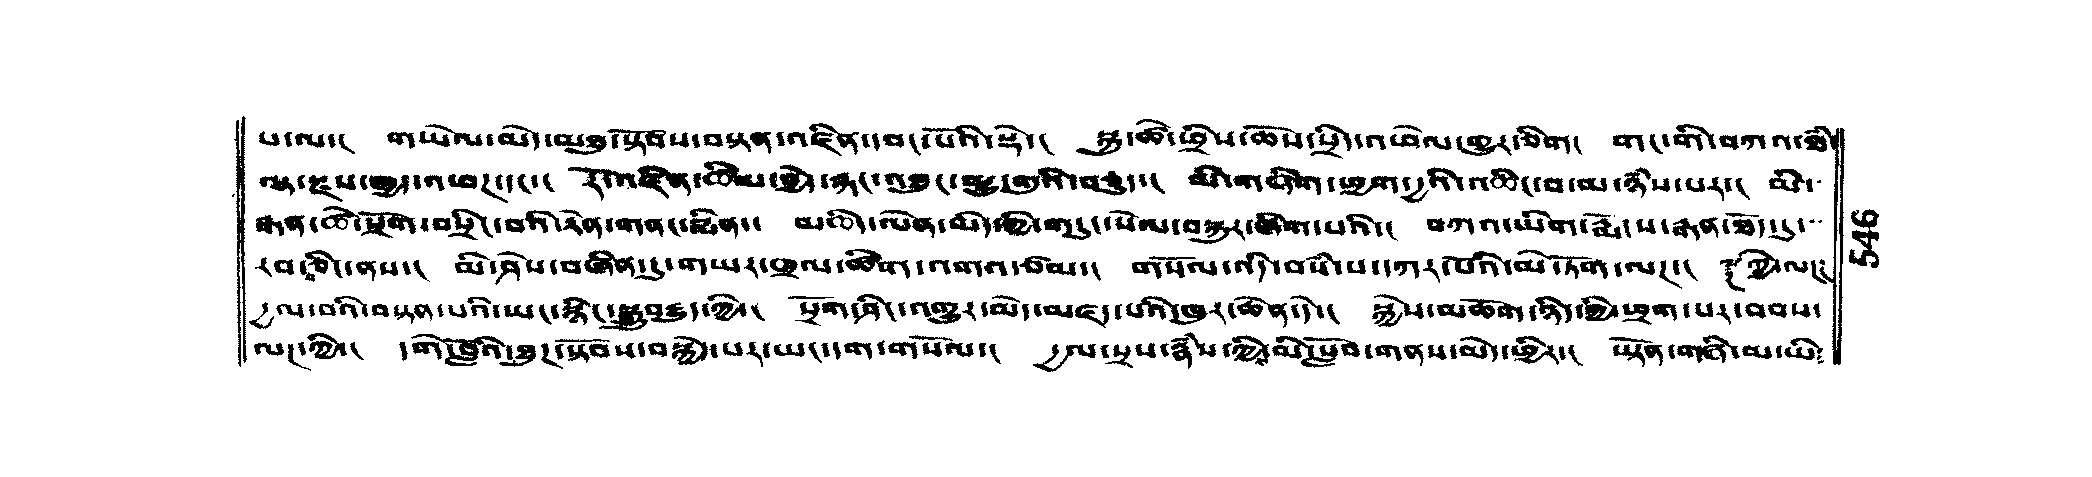པ་ལ། །གཡེལ་མེད་མཐུ་སྟོབས་བསྟན་འཛིན་དབང་པོའི་སྡེ། །སྐུ་ཚེ་ཕྲིན་ལས་ཆོས་སྲིད་འཕེལ་གྱུར་ཅིག གང་གི་བཀའ་ཐམ་
ལྷ་རྫས་ཁྱད་འཕགས་དང་། །རོ་འཛིན་ཚིམ་བྱེད་རྐང་འཐུང་མྱུ་གུའི་བཅུད། །མི་གཞིག་ཕྱག་རྒྱའི་འཆིང་བ་མ་ཉམས་པར། །མི་
རྒན་ཚེ་སྲོག་བསྲིང་བའི་རྟེན་གནང་སྨིན། །མཆིད་ལེན་མེད་ཀྱི་གདུང་སེལ་བསྐུར་ཞིག་པའི། །བཀའ་ཡིག་རྨོངས་རྒན་ཐོད་དུ་
རབ་བཅིངས་ནས། །མི་ཤེས་བཞིན་དུ་གཡར་ཁྲལ་ཚིག་འགའ་ཙམ། །གསོལ་འདི་བསམ་པ་དཀར་པོའི་མེ་ཏོག་ལགས།། ༈ ཀྱེ་ལགས། 
རྒྱལ་བའི་བསྟན་པའི་ཡང་སྙིང་སྒྲུབ་བརྒྱུད་ཀྱི། །སྲོག་ཤིང་འགྱུར་མེད་མཛད་པའི་ཁུར་ཆེན་དེ། །སྐྱེས་མཆོག་ཉིད་ཀྱི་ཕྲག་པར་བབས་
ལགས་ཀྱི། །དགེ་བློའི་ཐུགས་སྟོབས་བསྐྱེད་པར་ཡང་དག་གསོལ། །རྒྱལ་སྲས་རྣམས་ཀྱིས་མི་སློབ་གནས་མེད་ཕྱིར། །ཡོན་ཏན་གཞི་མ་ཡི་